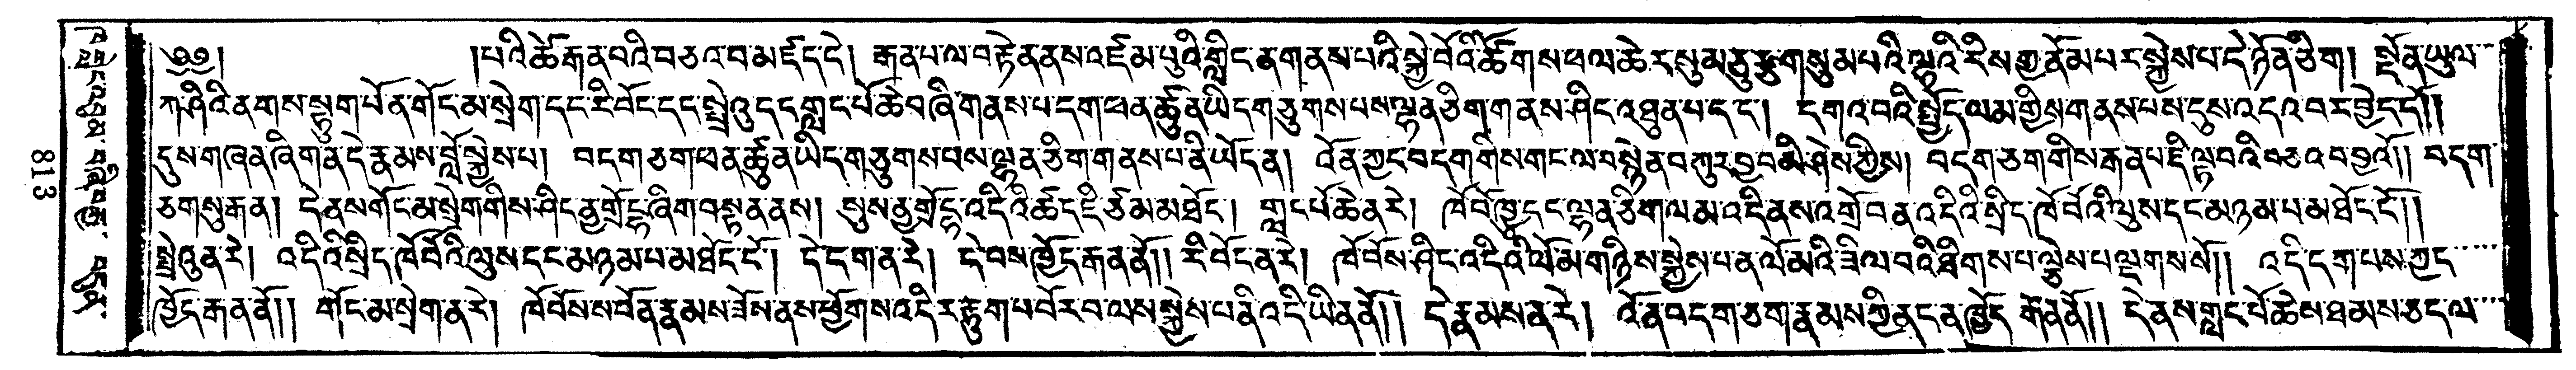༄༅། །པའི་ཚེ་རྒན་པའི་བཅའ་བ་མཛད་དེ། རྒན་པ་ལ་བརྟེན་ནས་འཛམ་བུའི་གླིང་ན་གནས་པའི་སྐྱེ་བོའི་ཚོགས་ཕལ་ཆེར་སུམ་ཅུ་རྩ་གསུམ་པའི་ལྷའི་རིས་གྱ་ནོམ་པར་སྐྱེས་པ་དེ་ཉོན་ཅིག། སྔོན་ཡུལ་
ཀ་ཤིའི་ནགས་སྟུག་པོ་ན་གོང་མ་སྲེག་དང་རི་བོང་དང་སྤྲེའུ་དང་གླང་པོ་ཆེ་བཞི་གནས་པ་དག་ཕན་ཚུན་ཡིད་གཅུགས་པས་ལྷན་ཅིག་གནས་ཤིང་འཐུན་པ་དང་། དགའ་བའི་སྤྱོད་ལམ་གྱིས་གནས་པས་དུས་འདའ་བར་བྱེད་དོ།།
དུས་གཞན་ཞིག་ན་དེ་རྣམས་བློ་སྐྱེས་པ། བདག་ཅག་ཕན་ཚུན་ཡིད་གཅུགས་པས་ལྷན་ཅིག་གནས་པ་ནི་ཡོད་ན། འོན་ཀྱང་བདག་གིས་གང་ལ་བསྙེན་བཀུར་བྱབ་མི་ཤེས་ཀྱིས། བདག་ཅག་གིས་རྒན་པ་ཇི་ལྟ་བའི་བཅའ་བ་བྱའོ།། བདག་
ཅག་སུ་རྒན། དེ་ནས་གོང་མ་སྲེག་གིས་ཤིང་ནྱ་གྲོ་དྷ་ཞིག་བསྟན་ནས། སུས་ནྱ་གྲོ་དྷ་འདིའི་ཚད་ཇི་ཙམ་མཐོང་། གླང་པོ་ཆེན་རེ། ཁོ་བོ་ཁྱུ་དང་ལྷན་ཅིག་ལ་མ་འདི་ནས་འགྲོ་བ་ན་འདིའི་སྲིད་ཁོ་བོའི་ལུས་དང་མཉམ་པ་མཐོང་ངོ།།
སྤྲེའུ་ན་རེ། འདིའི་སྲིད་ཁོ་བོའི་ལུས་དང་མཉམ་པ་མཐོང་ངོ། དེ་དག་ན་རེ། དེ་བས་ཁྱོད་རྒན་ནོ།། རི་བོང་ན་རེ། ཁོ་བོས་ཤིང་འདིའི་ལོ་མ་གཉིས་སྐྱེས་པ་ན་ལོ་མའི་ཟིལ་བའི་ཐིགས་པ་ལྕེས་པ་ལྡགས་སོ།། འདི་དག་པས་ཀྱང་
ཁྱོད་རྒན་ནོ།། གོང་མ་སྲེག་ན་རེ། ཁོ་བོས་ས་བོན་རྣམས་ཟོས་ནས་ཕྱོགས་འདིར་རྟུག་པ་བོར་བ་ལས་སྐྱེས་པ་ནི་འདི་ཡིན་ནོ།། དེ་རྣམས་ན་རེ། འོ་ན་བདག་ཅག་རྣམས་ཀྱི་ནང་ན་ཁྱོད་རྒན་ནོ།། དེ་ནས་གླང་པོ་ཆེས་ཐམས་ཅད་ལ་